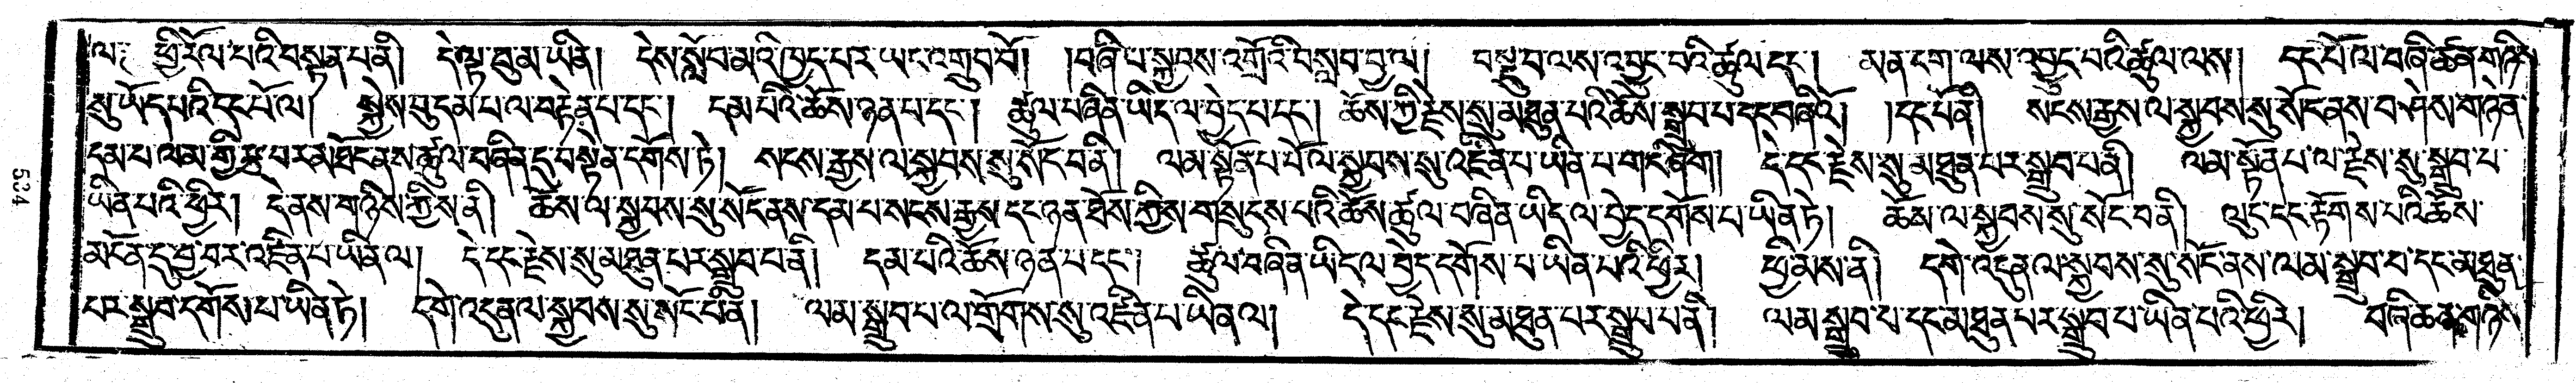ལ༑ ཕྱི་རོལ་པའི་བསྟན་པ་ནི། དེ་ལྟ་བུ་མ་ཡིན། དེས་སློབ་མའི་ཁྱད་པར་ཡང་འགྲུབ་བོ། །བཞི་པ་སྐྱབས་འགྲོའི་བསླབ་བྱ་ལ། བསྡུ་བ་ལས་འབྱུང་བའི་ཚུལ་དང་། མན་ངག་ལས་འབྱུང་བའི་ཚུལ་ལས། དང་པོ་ལ་བཞིན་ཚན་གཉིས་
སུ་ཡོད་པའི་དང་པོ་ལ། སྐྱེས་བུ་དམ་པ་ལ་བརྟེན་པ་དང་། དམ་པའི་ཆོས་ཉན་པ་དང་། ཚུལ་བཞིན་ཡིད་ལ་བྱེད་པ་དང་། ཆོས་ཀྱི་རྗེས་སུ་མཐུན་པའི་ཆོས་སྒྲུབ་པ་དང་བཞིའོ། །དང་པོ་ནི། སངས་རྒྱས་ལ་སྐྱབས་སུ་སོང་ནས་བཤེ་གཉེན་
དམ་པ་ལམ་གྱི་རྩ་བར་མཐོང་ནས་ཚུལ་བཞིན་དུ་བསྟེན་དགོས་ཏེ། སངས་རྒྱས་ལ་སྐྱབས་སུ་སོང་བ་ནི། ལམ་སྟོན་པ་པོ་ལ་སྐྱབས་སི་འཛིན་པ་ཡིན་པ་གང་ཞིག། དེ་དང་རྗེས་སུ་མཐུན་པར་སྒྲུབ་པ་ནི། ལམ་སྟོན་པ་ལ་རྗེས་སུ་སྒྲུབ་པ་
ཡིན་པའི་ཕྱིར། དེ་ནས་གཉིས་ཀྱིས་ནི་།ཆོས་ལ་སྐྱབས་སུ་སོང་ནས་དམ་པ་སངས་རྒྱས་དང་ཉན་ཐོས་ཀྱིས་གསུང་པའི་ཆོས་ཚུལ་བཞིན་ཡིད་ལ་བྱེད་དོགས་པ་ཡིན་ཏེ། ཆོས་ལ་སྐྱབས་སུ་སོང་བ་ནི། ལུང་དང་རྟོགས་པའི་ཆོས་
མངོན་དུ་བྱ་བར་འཛིན་པ་ཡིན་ལ། དེ་དང་རྗེས་སུ་མཐུན་པར་སྒྲུབ་པ་ནི། དམ་པའི་ཆོས་ཉན་པ་དང་། ཚུལ་བཞིན་ཡིད་ལ་བྱེད་དགོས་པ་ཡིན་པའི་ཕྱིར། ཕྱི་མས་ནི། དགེ་འདུན་ལ་སྐྱབས་སུ་སོང་ནས་ལམ་སྒྲུབ་པ་དང་མཐུན་
པར་སྒྲུབ་དགོས་པ་ཡིན་ཏེ། དགེ་འདུན་ལ་སྐྱབས་སུ་སོང་པཾ་ན། ལམ་སྒྲུབ་པ་ལ་གྲོགས་སུ་འཛིན་པ་ཡིན་ལ། དེ་དང་རྗེས་སུ་མཐུན་པར་སྒྲུབ་པ་ནི། ལམ་སྒྲུབ་པ་དང་མཐུན་པར་སྒྲུབ་པ་ཡིན་པའི་ཕྱིར། བཞི་ཆན་གཉིས་